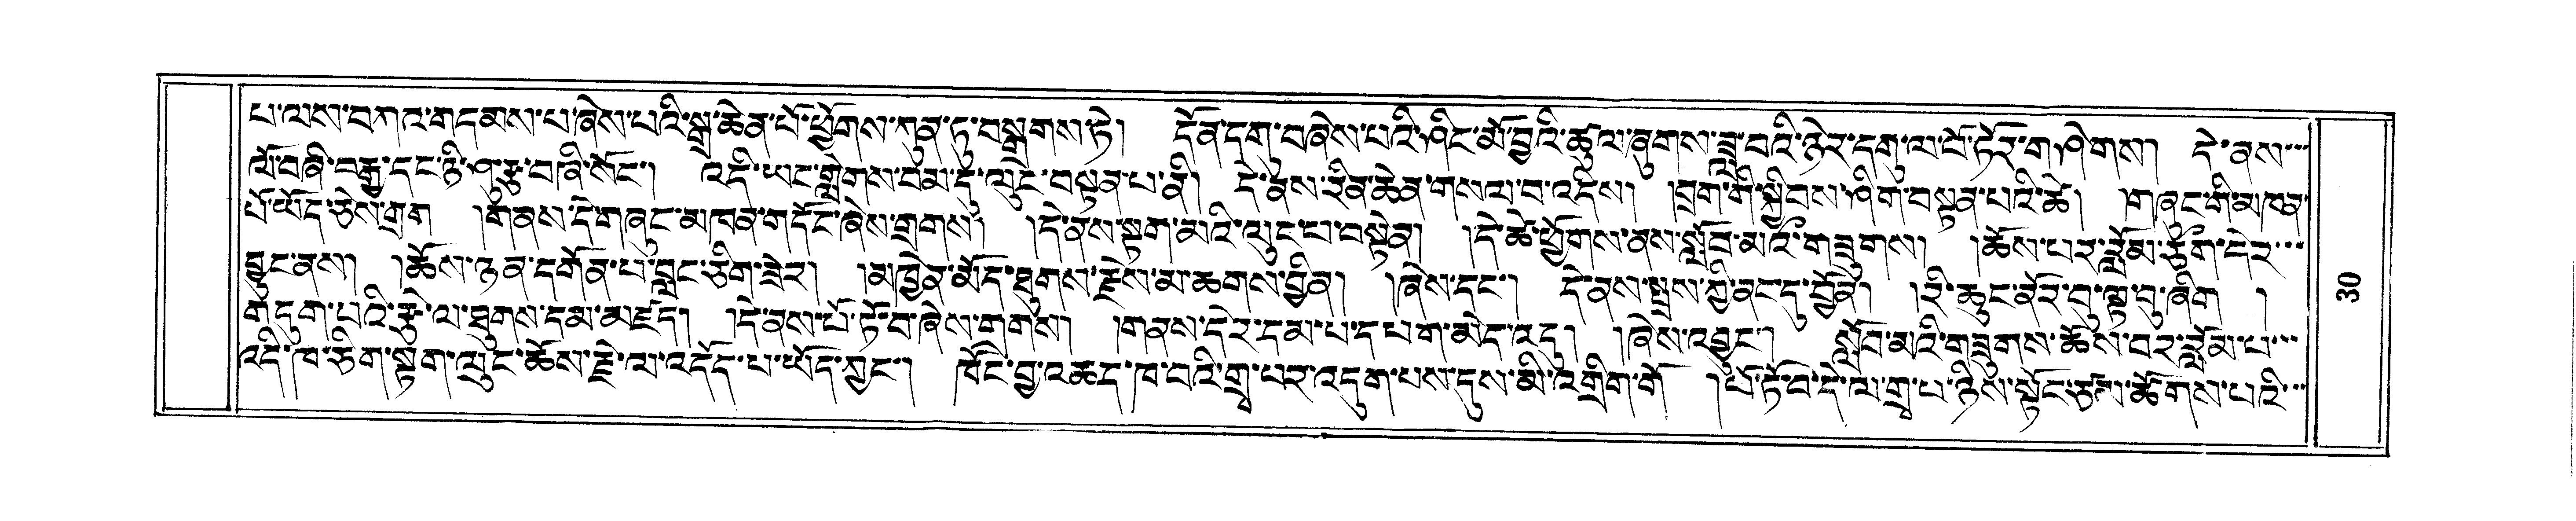པ་ལས་བཀའ་གདམས་པ་ཞེས་པའི་སྒྲ་ཆེན་པོ་ཕྱོགས་ཀུན་ཏུ་བསྒྲགས་ཏེ། དོན་དགུ་བཞེས་པའི་ཤིང་མོ་བྱའི་ཚུལ་ཞུགས་ཟླ་བའི་ཉེར་དགུ་ལ་པོ་ཏོར་གཤེགས། དེ་ནས་
ལོ་བཞི་བརྒྱ་དང་ཉི་ཤུ་རྩ་བཞི་སོང་། འདི་ཡང་གླེགས་བམ་དུ་ལུང་བསྟན་པ་ནི། དེ་ནས་རིན་ཆེན་གསལ་བ་འདིས། །བྲག་གི་སྐྱིབས་ཤིག་བསྟན་པའི་ཚེ། །གཞུང་གི་མཁན་
པོ་ཡོད་ཅེས་གྲག །གནས་དེ་གཞུང་མཁན་གདོང་ཞེས་གྲགས། །དེ་ནས་སྟག་མའི་ལུང་པ་བསྟེན། །དེ་ཚེ་ཕྱོགས་ནས་སློབ་མཱྀ་གཟུགས། །ཆོས་པར་རློམ་ཅྀག་དེར་
བྱུང་ནས། །ཆོས་ཉན་དགོན་པ་བླང་ཅིག་ཟེར། །མཁྱེན་མོད་ཐུགས་རྗེས་མ་ཆགས་བྱིན། །ཞེས་དང་། དེ་ནས་སྤྲས་ཀྱི་ནང་དུ་བྱོན། །རི་ཆུང་ནོར་བུ་ལྟ་བུ་ཞིག །
གདུག་པའི་རྩེ་ལ་ཐུགས་དམ་མཛད། །དེ་ནས་པོ་ཏོ་བ་ཞེས་གྲགས། །གནས་དེར་དམ་པ་དཔག་མེད་འདུ། །ཞེས་འབྱུང་། སློབ་མའི་གཟུགས་ཆོས་བར་རློམ་པ་
འདི་ཁ་ཅིག་སྟག་ལུང་ཆོས་རྗེ་ལ་འདོད་པ་ཡོད་ཀྱང་། ཁོང་བྱ་འཆད་ཁ་བའི་གྲྭ་པར་འདུག་པས་དུས་མི་འགྲིག་གོ །པོ་ཏོ་བ་དེ་ལ་གྲྭ་པ་ཉིས་སྟོང་ཙམ་ཚོགས་པའི་